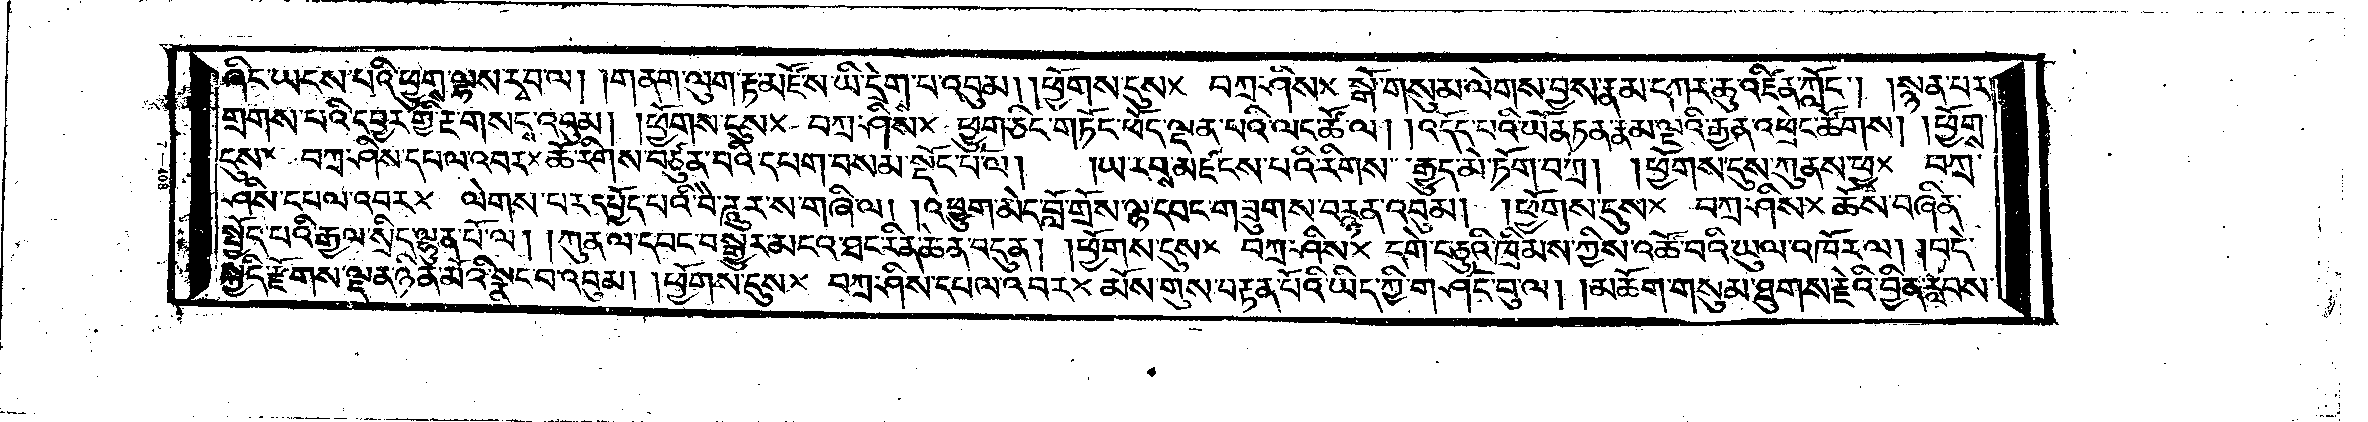ཞིང་ཡངས་པའི་ཕྱགས་ལྷས་རྭབ་ལ། །གནག་ལུག་རྟ་མཛོས་ཡི་དྲེག་པ་འབུམ། །ཕྱོགས་དུས་྾་བཀྲ་ཤིས་྾་སྒོ་གསུམ་ལེགས་བྱས་རྣམ་དཀར་ཆུ་འཛིན་ཀློང་། །སྙན་པར་
གྲགས་པའི་དབྱར་གྱི་རྔ་གསང་འབུམ། །ཕྱོགས་དུས་྾་བཀྲ་ཤིས་྾་ཕྱུག་ཅིང་གཏོང་ཕོད་ལྡན་པའི་ལང་ཚོ་ལ། །འདོད་པའི་ཡོན་ཏན་རྣམ་ལྔའི་རྒྱན་འཕྲེང་ཚོགས། །ཕྱོགས་
དུས་྾་བཀྲ་ཤིས་དཔལ་འབར་྾་ཆོ་རིགས་བཙུན་པའི་དཔག་བསམ་སྡོང་པ་ལ། །ཡ་རབས་མཛངས་པའི་རིགས་རྒྱུད་མེ་ཏོག་བཀྲ། །ཕྱོགས་དུས་ཀུ་ནས་ཕྱ་྾་བཀྲ་
ཤིས་དཔལ་འབར་྾་ལེགས་པར་དཔྱོད་པའི་བཻ་ཌཱུར་ས་གཞི་ལ། །འཕྱུག་མེད་བློ་གྲོས་ལྷ་དབང་གཟུགས་བརྙན་འབུམ། །ཕྱོགས་དུས་྾་བཀྲ་ཤིས་྾་ཆོས་བཞིན་
སྤྱོད་པའི་རྒྱལ་སྲིད་ལྷུན་པོ་ལ། །ཀུན་ལ་དབང་བསྒྱུར་མངའ་ཐང་རིན་ཆེན་བདུན། །ཕྱོགས་དུས་྾་བཀྲ་ཤིས་྾་དགེ་བཅུའི་ཁྲིམས་ཀྱིས་འཚོ་བའི་ཡུལ་འཁོར་ལ། །བདེ་
སྐྱིད་རྫོགས་ལྡན་ཉིན་མོའི་སྣང་བ་འབུམ། །ཕྱོགས་དུས་྾་བཀྲ་ཤིས་དཔལ་འབར་྾་མོས་གུས་བརྟན་པོའི་ཡིད་ཀྱི་གཤང་བུ་ལ། །མཆོག་གསུམ་ཐུགས་རྗེའི་བྱིན་རླབས་